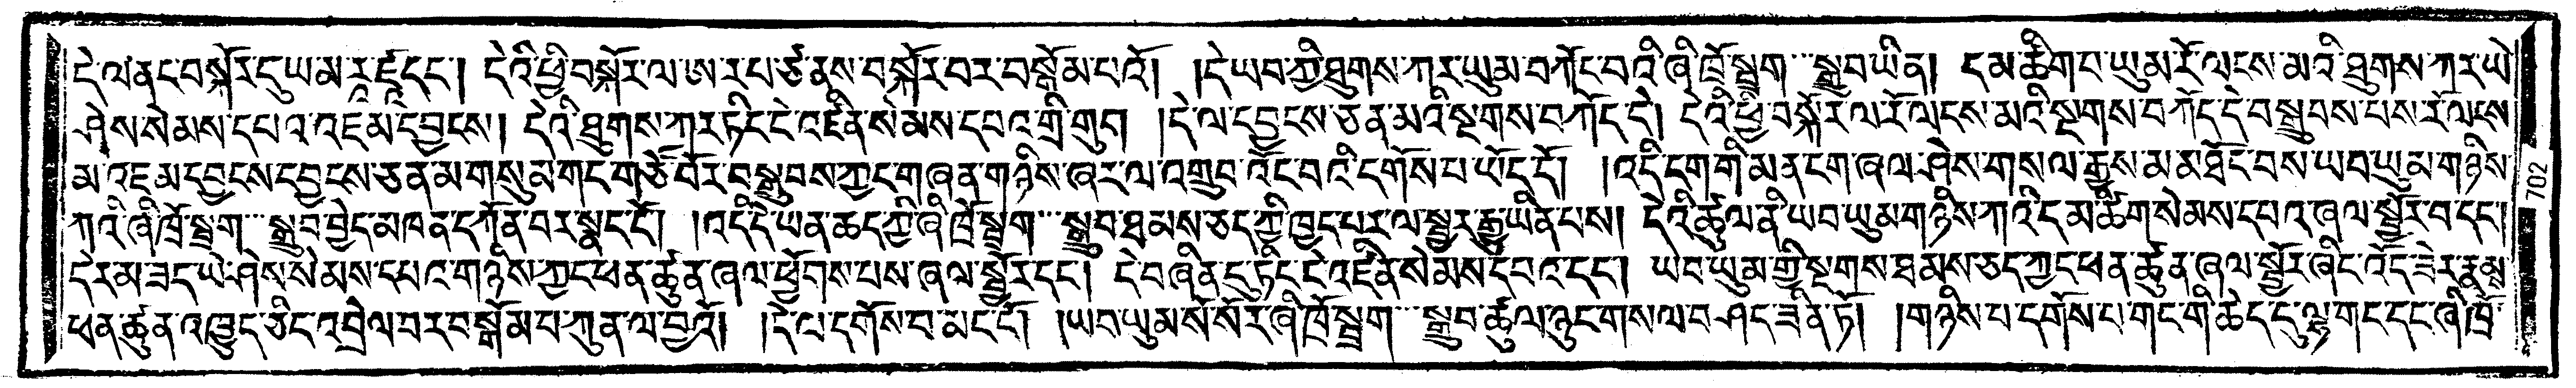དེ་ལ་ནང་བསྐོར་དུ་ཡ་མ་རཱ་ཛཱ་དང་། དེའི་ཕྱི་བསྐོར་ལ་ཨ་ར་པ་ཙ་ནས་བསྐོར་བར་བསྒོམ་པའོ། །དེ་ཡབ་ཀྱི་ཐུགས་ཀར་ཡུམ་བཀོད་བའི་ཞི་ཁྲོ་སྦྲག་སྒྲུབ་ཡིན། དམ་ཚིག་པ་ཡུམ་རོ་ལངས་མའི་ཐུགས་ཀར་ཡེ་
ཤེས་སེམས་དཔའ་འཇམ་དབྱངས། དེའི་ཐུགས་ཀར་ཏིང་ངེ་འཛིན་སེམས་དཔའ་གྲི་གུག །དེ་ལ་དབྱངས་ཅན་མའི་སྔགས་བཀོད་དེ། དེའི་ཕྱི་བསྐོར་ལ་རོ་ལངས་མའི་སྔགས་བཀོད་དེ་བསྒྲུབས་པས་རོ་ལངས་
མ་འཇམ་དབྱངས་དབྱངས་ཅན་མ་གསུམ་གང་གཙོ་བོར་བསྒྲུབས་ཀྱང་གཞན་གཉིས་ཞར་ལ་འགྲུབ་འོང་བའི་དགོས་པ་ཡོད་དོ། །འདི་དག་གི་མན་ངག་ཞལ་ཤེས་གསལ་རྒྱས་མ་མཐོང་བས་ཡབ་ཡུམ་གཉིས་
ཀའི་ཞི་ཁྲོ་སྦྲག་སྒྲུབ་བྱེད་མཁན་དཀོན་པར་སྣང་ངོ། །འདི་དེ་ཡན་ཆད་ཀྱི་ཞི་ཁྲོ་སྦྲག་སྒྲུབ་ཐམས་ཅད་ཀྱི་ཁྱད་པར་ལ་སྦྱར་རྒྱུ་ཡིན་པས། དེའི་ཚུལ་ནི་ཡབ་ཡུམ་གཉིས་ཀའི་དམ་ཚིག་སེམས་དཔའ་ཞལ་སྦྱོར་བ་དང་།
དེར་མ་ཟད་ཡེ་ཤེས་སེམས་དཔའ་གཉིས་ཀྱང་ཕན་ཚུན་ཞལ་ཕྱོགས་པས་ཞལ་སྦྱོར་དང་། དེ་བཞིན་དུ་ཏིང་ངེ་འཛིན་སེམས་དཔའ་དང་། ཡབ་ཡུམ་གྱི་སྔགས་ཐམས་ཅད་ཀྱང་ཕན་ཚུན་ཞལ་སྦྱོར་ཞིང་འོད་ཟེར་རྣམས་
ཕན་ཚུན་འཁྱུད་ཅིང་འབྲེལ་བར་བསྒོམ་པ་ཀུན་ལ་བྱའོ། །དེ་ལ་དགོས་པ་མང་ངོ། །ཡབ་ཡུམ་སོ་སོར་ཞི་ཁྲོ་སྦྲག་སྒྲུབ་ཚུལ་ཉུང་གསལ་བཤད་ཟིན་ཏོ། །གཉིས་པ་དགོས་པ་གང་གི་ཆེད་དུ་ལྷ་གང་དང་ཞི་ཁྲོ་